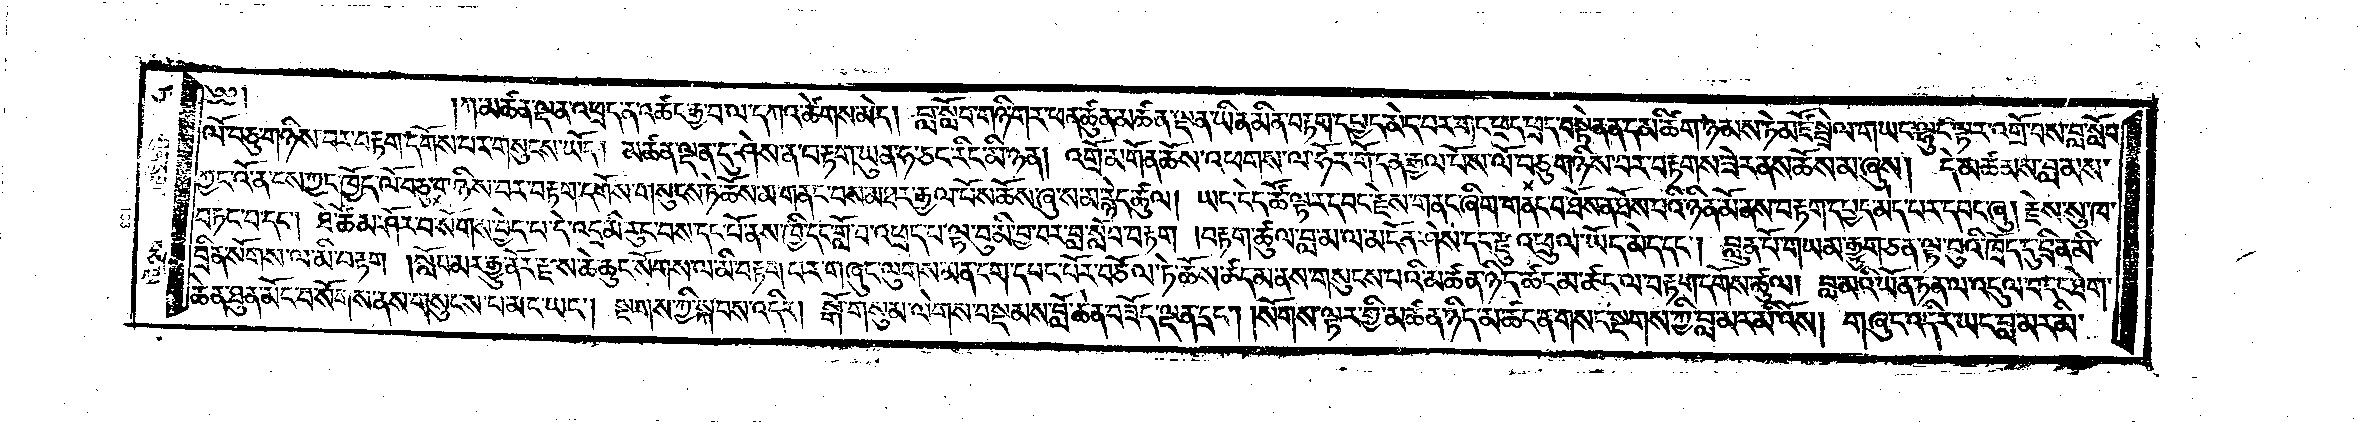༄༅། །ཀ་མཚན་ལྡན་འཕྲད་ན་འཚང་རྒྱ་བ་ལ་དགའ་ཚོགས་མེད། བླ་སློབ་གཉི་གར་ཕན་ཚུན་མཚན་ལྡན་ཡིན་མིན་བརྟག་དཔྱད་མེད་པར་གང་ཡང་ཕྲང་བསྟེན་ན་དམ་ཚིག་ཉམས་ཏེ་མཛོ་སྦྲེལ་ག་ཡང་ལྷུང་ལྟར་འགྲོ་བས་བླ་སློབ་
ལོ་བཅུ་གཉིས་བར་བརྟག་དགོས་པར་གསུངས་ཡོད། མཚན་ལྡན་དུ་ཤེས་ན་བརྟག་ཡུན་ཧ་ཅང་རིང་མི་ཉན། འགྲོ་མགོན་ཆོས་འཕགས་ལ་ཧོར་གོ་དན་རྒྱལ་པོས་ལོ་བཅུ་གཉིས་བར་བརྟགས་ཟེར་ནས་ཆོས་མ་ཞུས། དེ་མཚམས་བླ་མས་
ཀྱང་འོ་ན་ངས་ཀྱང་ཁྱོད་ལོ་བཅུ་གཉིས་བར་བརྟག་དགོས་གསུངས་ཏེ་ཆོས་མ་གནང་བས་མཐར་རྒྱལ་པོས་ཆོས་ཞུས་མ་རྙེད་ཚུལ། ཡང་ངེད་ཚོ་ལྟར་དབང་རྗེས་གནང་ཞིག་གནང་བ་ཐོས་ན་ཐོས་པའི་ཉིན་མོ་ནས་བརྟག་དཔྱད་མེད་པར་དབང་ཞུ། རྗེས་སུ་ཁ་
བཏང་བ་དང་། ཐེ་ཚོམ་མ་ཤོར་བ་སོགས་བྱེད་པ་དེ་འདྲ་མི་རུང་བས་དང་པོ་ནས་ཁྱི་དང་གློ་བ་འཕྲད་པ་ལྟ་བུ་མི་བྱ་བར་བླ་སློབ་བརྟག །བརྟག་ཚུལ་བླ་མ་ལ་མངོན་ཤེས་དང་རྫུ་འཕྲུལ་ཡོད་མེད་དང་། བླུན་པོ་གཡམ་རྒྱུག་ཅན་ལྟ་བུའི་ཁྲོད་དུ་བྲིན་མི་
བྲིན་སོགས་ལ་མི་བརྟག །སློབ་མར་རྒྱུ་ནོར་རྫས་ཆེ་ཆུང་སོགས་ལ་མི་བརྟག་པར་གཞུང་ལུགས་མན་ངག་དབང་པོར་བཅོལ་ཏེ་ཆོས་ཚད་མ་ནས་གསུངས་པའི་མཚན་ཉིད་ཚང་མ་ཚང་ལ་བརྟག་དགོས་ཚུལ། བླ་མའི་ཡོན་ཏན་ལ་འདུལ་བ་དང་ཐེག་
ཆེན་ཐུན་མོང་བ་སོགས་ནས་གསུངས་པ་མང་ཡང་། སྔགས་ཀྱི་སྐབས་འདིར། སྒོ་གསུམ་ལེགས་བསྔམས་བློ་ཆེན་བཟོད་ལྡན་དྲང་། །སོགས་ལྟར་གྱི་མཚན་ཉིད་མ་ཚང་ན་གསང་སྔགས་ཀྱི་བླ་མར་མི་འོས། གཞུང་འདིར་ཡང་བླ་མར་མི་